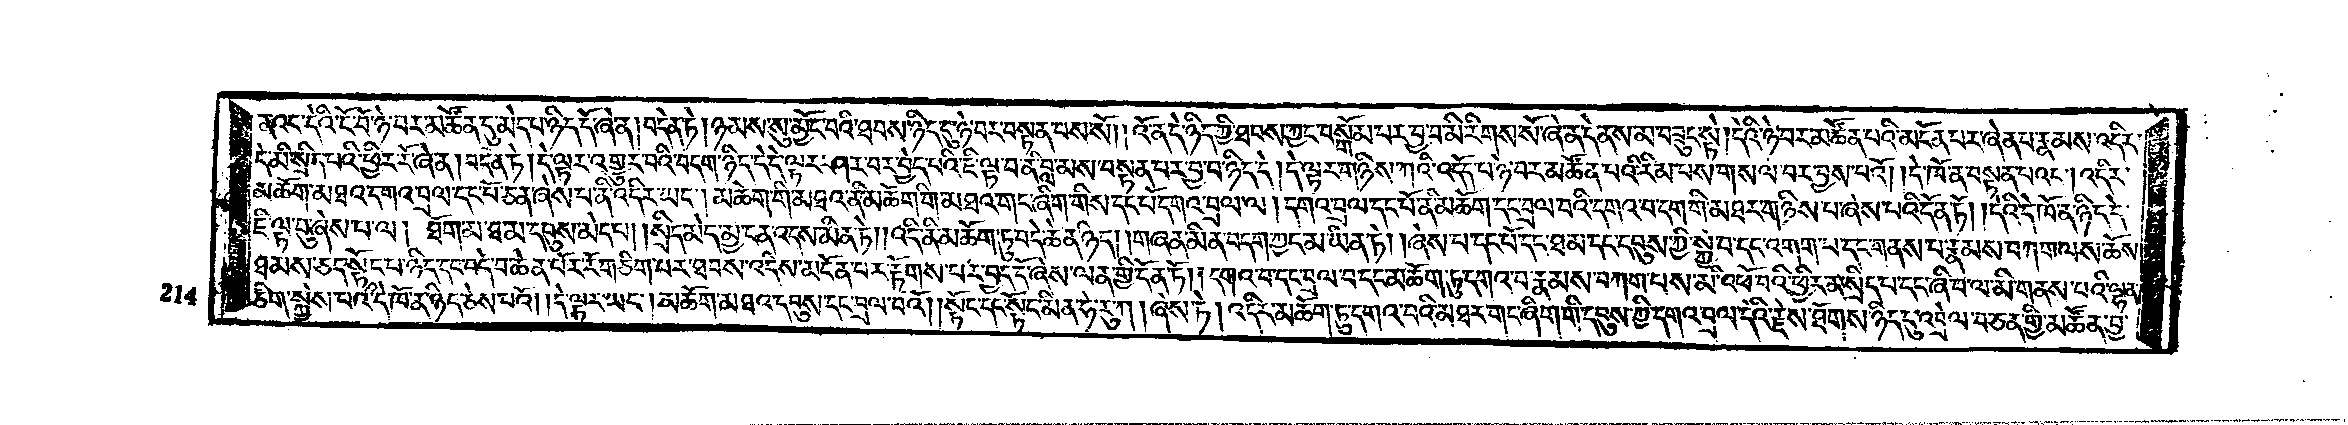ནའང་དེའི་ངོ་བོ་ཉེ་བར་མཚོན་དུ་མེད་པ་ཉིད་དོ་ཞེ་ན། བདེན་ཏེ། ཉམས་སུ་མྱོང་བའི་ཐབས་ཉིད་དུ་ཉེ་བར་བསྟན་པས་སོ། །འོ་ན་དེ་ཉིད་ཀྱི་ཐབས་ཀྱང་བསྒོམ་པར་བྱ་བ་མི་རིགས་སོ་ཞེ་ན་དེ་ནས་མ་བཟུང་སྟེ། དེའི་ཉེ་བར་མཚོན་པའི་མངོན་པར་ཞེན་པ་རྣམས་འདིར་
དེ་མི་སྲིད་པའི་ཕྱིར་རོ་ཞེ་ན། བདེན་ཏེ། དེ་ལྟར་འགྱུར་བའི་བདག་ཉིད་དེ་དེ་ལྟར་ཤར་བར་བྱེད་པའི་ཇི་ལྟ་བ་ནི་བླ་མས་བསྟན་པར་བྱ་བ་ཉིད་དེ། དེ་ལྟར་གཉིས་ཀའི་འདོད་པ་ཉེ་བར་མཚོན་པའི་རིམ་པས་གསལ་བར་བྱས་པའོ། །དེ་ཁོ་ན་བསྟན་པའང་། འདིར་
མཆོག་མཐའ་དགའ་བྲལ་དང་པོ་ཅན་ཞེས་པ་ནི་འདིར་ཡང་། མཆོག་གི་མཐའ་ནི་མཆོག་གི་མཐའ་གང་ཞིག་གིས་དང་པོ་དགའ་བྲལ་ལ། དགའ་བྲལ་དང་པོ་ནི་མཆོག་དང་བྲལ་བའི་དགའ་བ་དག་གི་མཐར་གཉིས་པ་ཞེས་པའི་དོན་ཏོ། །དེའི་དེ་ཁོ་ན་ཉིད་དེ་
ཇི་ལྟ་བུ་ཞེས་པ་ལ། ཐོག་མ་ཐ་མ་དབུས་མེད་པ། །སྲིད་མེད་མྱ་ངན་འདས་མིན་ཏེ། །འདི་ནི་མཆོག་ཏུ་བདེ་ཆེན་ཉིད། །གཞན་མིན་བདག་ཀྱང་མ་ཡིན་ཏེ། །ཞེས་པ་དང་པོ་དང་ཐ་མ་དང་དབུས་ཀྱི་སྐྱེ་བ་དང་འགག་པ་དང་གནས་པ་རྣམས་བཀག་པས་ཆོས་
ཐམས་ཅད་སྟོང་པ་ཉིད་དང་བདེ་བ་ཆེན་པོར་རོ་གཅིག་པར་ཐབས་འདིས་མངོན་པར་རྟོགས་པར་བྱད་དོ་ཞེས་ལན་གྱི་དོན་ཏོ། །དགའ་བ་དང་བྲལ་བ་དང་མཆོག་ཏུ་དགའ་བ་རྣམས་བཀག་པས་མི་འཕོ་བའི་ཕྱིར་ན་སྲིད་པ་དང་ཞི་བ་ལ་མི་གནས་པའི་ལྷན་
ཅིག་སྐྱེས་པའི་དེ་ཁོ་ན་ཉིད་ཅེས་པའོ། །དེ་ལྟར་ཡང་། མཆོག་མཐའ་དབུས་དང་བྲལ་བའོ། །སྟོང་དང་སྟོང་མིན་ཧེ་རུ་ཀ ། ཞེས་ཏེ། འདིར་མཆོག་ཏུ་དགའ་བའི་མཐར་གང་ཞིག་གི་དབུས་ཀྱི་དགའ་བྲལ་དེའི་རྗེས་ཐོགས་ཉིད་དུ་འབྲེལ་བ་ཅན་གྱི་མཚོན་བྱ་